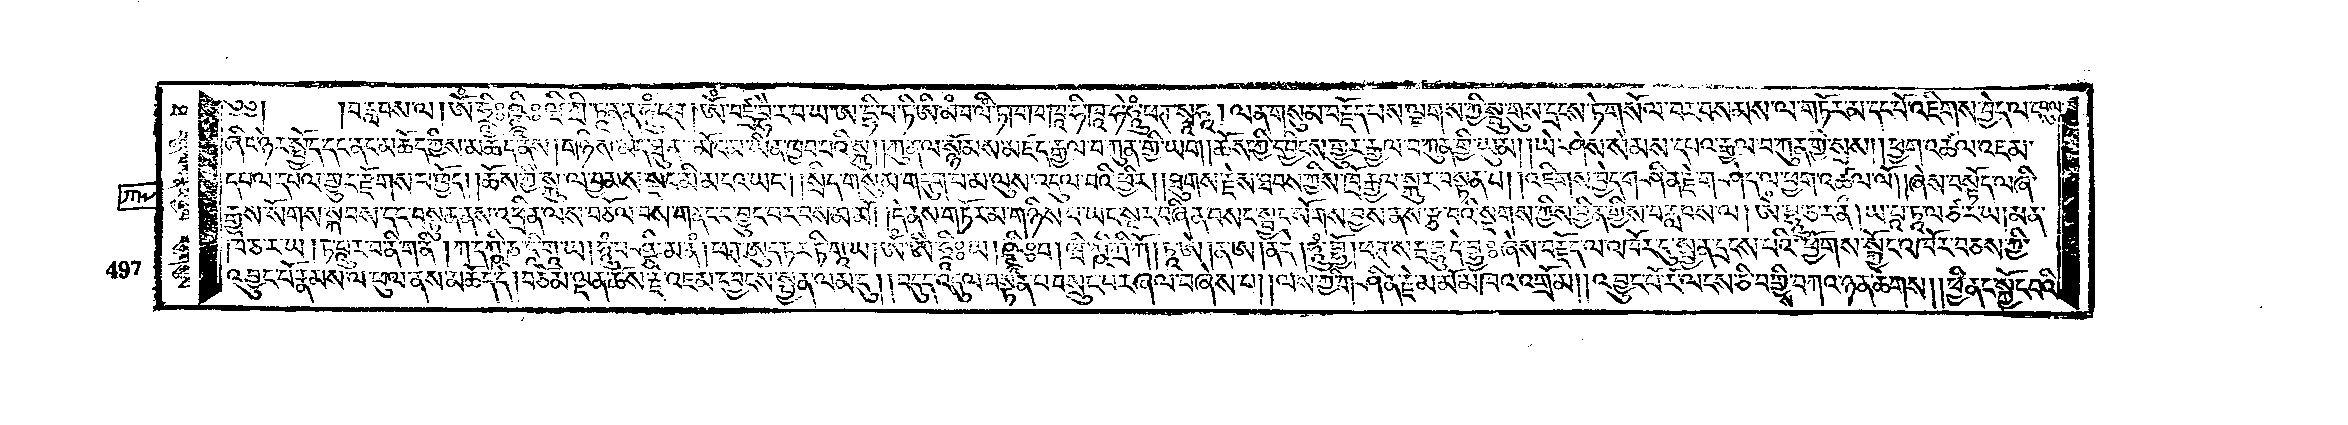༄༅། །བརླབས་ལ། ཨོཾ་ཧྲཱིཿ ཥྚྲཱིཿ ཝི་ཀྲཾ་ཏཱ་ན་ན་ཧཱུཾ་ཕཊ། ཨོཾ་བཛྲ་བྷཻ་ར་བ་ཡ་ཨ་དྷི་པ་ཏི་ཨི་མཾ་བ་ལི་ཏ་ཁ་ཁ་ཁཱ་ཧི་ཁཱ་ཧི་ཧཱུཾ་ཕཊ་སྭཱཧཱ། ལན་གསུམ་བརྗོད་པས་ལྗགས་ཀྱི་སྦུ་གུས་དྲངས་ཏེ་གསོལ་བར་བསམས་ལ་གཏོར་མ་དང་པོ་འཇིགས་བྱེད་ལ་དབུལ་
ཞིང་ཉེར་སྤྱོད་དང་ནང་མཆོད་ཀྱིས་མཆོད་ནས། གཉིས་མེད་ཐུན་མོང་མ་ཡིན་ཁྱབ་པའི་སྐུ། །ཀུན་ལ་སྙོམས་མཛད་རྒྱལ་བ་ཀུན་གྱི་ཡབ། །ཆོས་ཀྱི་དབྱིངས་གྱུར་རྒྱལ་བ་ཀུན་གྱི་ཡུམ། །ཡེ་ཤེས་སེམས་དཔའ་རྒྱལ་བ་ཀུན་གྱི་སྲས། །ཕྱག་འཚལ་འཇམ་
དཔལ་དཔལ་གྱུར་རྫོགས་པ་ཁྱོད། །ཆོས་ཀྱི་སྐུ་ལ་བྱམས་སྡང་མི་མངའ་ཡང་། །སྲིད་གསུམ་གདུག་པ་མ་ལུས་འདུལ་བའི་ཕྱིར། །ཐུགས་རྗེས་ཐབས་ཀྱིས་ཁྲོ་རྒྱལ་སྐུར་བསྟན་པ། །འཇིགས་བྱེད་གཤིན་རྗེ་གཤེད་ལ་ཕྱག་འཚལ་ལོ། །ཞེས་བསྟེད་ལ་ཞི་
རྒྱས་སོགས་སྐབས་དང་བསྟུན་ནས་འཕྲིན་ལས་བཅོལ་བས་གནང་བ་བྱུང་བར་བསམ་མོ། །དེ་ནས་གཏོར་མ་གཉིས་པ་ཡང་སྔར་བཞིན་བསང་སྦྱང་སོགས་བྱས་ནས་རྩ་བའི་སྔགས་ཀྱིས་བྱིན་གྱིས་བརླབས་ལ། ཨོཾ་བྷཱུ་ཙ་ར་ནཾ། ཡ་པཱ་ཏཱ་ལ་ཙ་ར་ཡ། མན་
ཁེ་ཅ་ར་ཡ། ཏ་པཱུར་བ་ནི་ག་ནཾ། ཀ་དཀྵི་ཎ་དཱི་གཱ་ཡ། ཧཱུཾ་པཤྩི་མ་ནཾ། ཕཊ་ཨུད་ཏ་ར་ཏི་གཱ་ཡ། ཨོཾ་ཨི་ཧྲཱིཿ ཡ། ཥྚྲཱིཿབ། ཝི་ཀྵི་ཀྲི་ཀོ། ཏཱ་ཨེ། ན་ཨ། ན་དེ། ཧཱུཾ་བྷྱོ། ཕཊ་སརྦ་བྷུ་དེ་བྷྱཿ ཞེས་བརྗོད་ལ་འཁོར་དུ་སྤྱན་དྲངས་པའི་ཕྱོགས་སྐྱོང་འཁོར་བཅས་ཀྱི་
འབྱུང་པོ་རྣམས་ལ་ཕུལ་ནས་མཆོད་དེ། བཅོམ་ལྡན་ཆོས་རྗེ་འཇམ་དབྱངས་སྤྱན་ལམ་དུ། །བདུད་འདུལ་བསྟན་པ་བསྲུང་པར་ཞལ་བཞེས་པ། །ལས་ཀྱི་གཤིན་རྗེ་མ་མོ་མཁའ་འགྲོ་མ། །འབྱུང་པོ་རོ་ལངས་ཅི་བགྱིས་བཀའ་ཉན་ཚིགས། །ཕྱི་ནང་སྐྱོང་བའི་